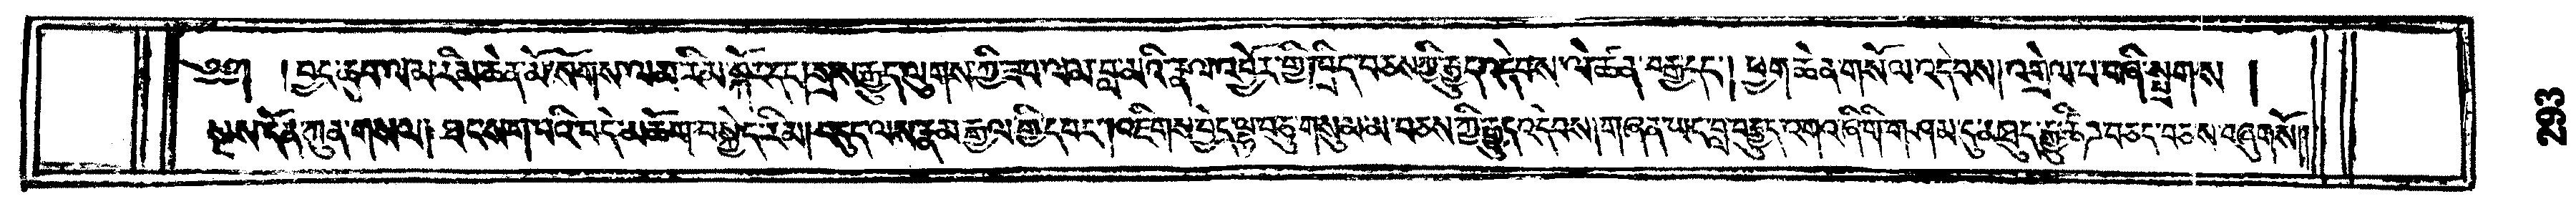༄༅། །བྱང་ཆུབ་ལམ་རིམ་ཆེན་མོ་སོགས་ལམ་རིམ་སྐོར་དང་། སྲས་རྒྱུད་ལུགས་ཀྱི་ཟབ་ལམ་བླ་མའི་རྣལ་འབྱོར་གྱི་ཁྲིད་བཅས་ཀྱི་རྒྱུད་འདེབས་ལེ་ཚན་བརྒྱ་དང་། ཕྱག་ཆེན་གསོལ་འདེབས། འགྲེལ་པ་བཞི་སྦྲགས།
སྦས་དོན་ཀུན་གསལ། ཐང་སག་པའི་བདེ་མཆོག་བསྐྱེད་རིམ། བདུད་ལས་རྣམ་རྒྱལ་གྱི་དབང་། འཇིགས་བྱེད་ལྷ་བཅུ་གསུམ་མ་བཅས་ཀྱི་རྒྱུད་འདེབས། གཞན་ཡང་བླ་བརྒྱུད་འགའ་ཞིག་གི་གཤམ་དུ་མཐུད་རྒྱུ་ཚིགས་བཅད་བཅས་བཞུགས་སོ།།